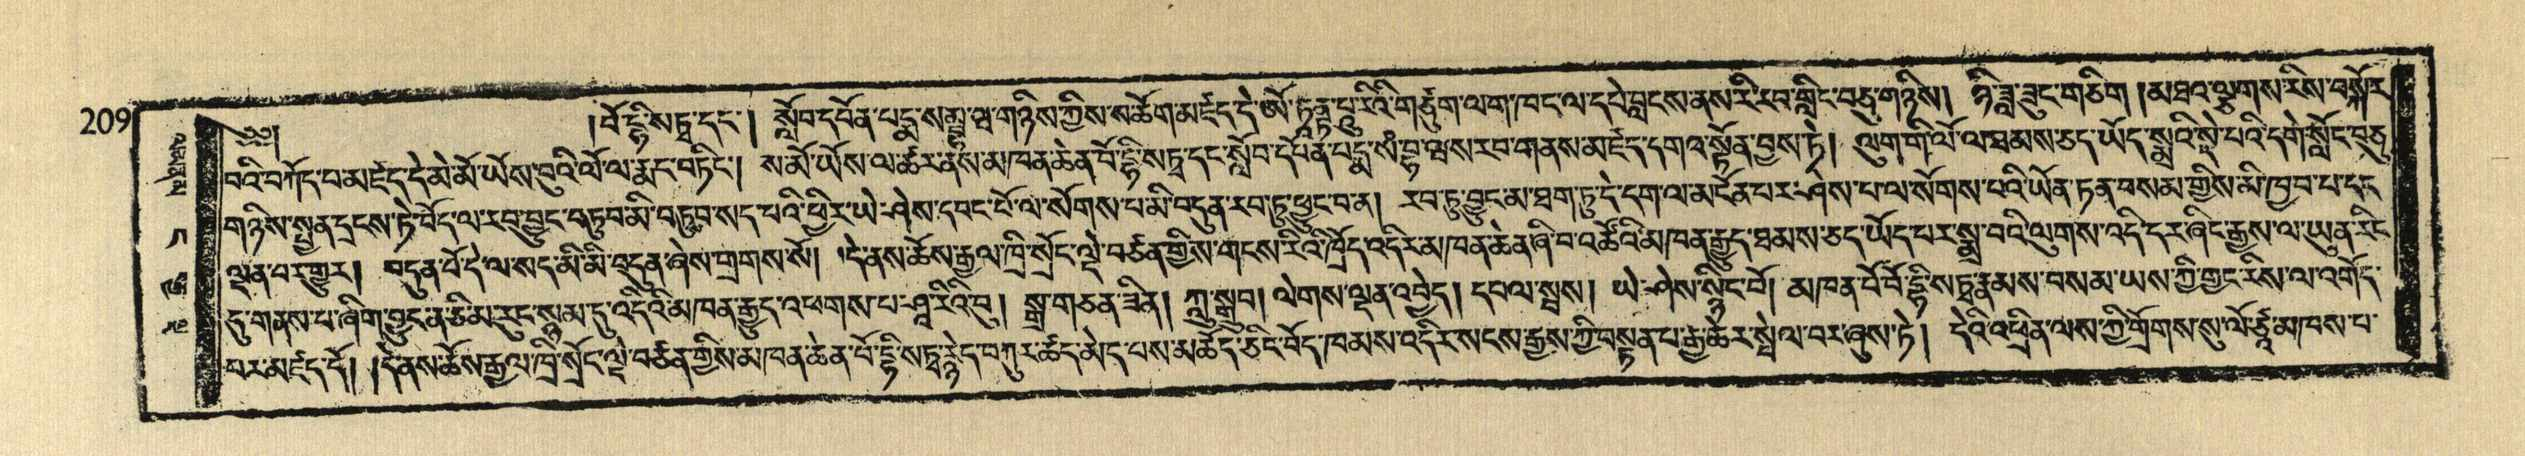༄༅། །བོ་དྷི་སཏྭ་དང་། སློབ་དཔོན་པདམ་སམྦྷ་ཝ་གཉིས་ཀྱིས་ས་ཆོག་མཛད་དེ་ཨོ་ཏཱནྟ་པཱུ་རིའི་གཙུག་ལག་ཁང་ལ་དཔེ་བླངས་ནས་རི་རབ་གླིང་བཅུ་གཉིས། ཉི་ཟླ་ཟུང་གཅིག །མཐའ་ལྕགས་རིས་བསྐོར་
བའི་བཀོད་པ་མཛད་དེ་མེ་མོ་ཡོས་བུའི་ལོ་ལ་རྨང་བཏིང་། ས་མོ་ཡོས་ལ་ཚར་ནས་མཁན་ཆེན་བོ་དྷི་སཏྭ་དང་སློབ་དཔོན་པདམ་སཾ་བྷ་ཝས་རབ་གནས་མཛད་དགའ་སྟོན་བྱས་ཏེ། ལུག་གི་ལོ་ལ་ཐམས་ཅད་ཡོད་སྨྲའི་སྡེ་པའི་དགེ་སློང་བཅུ་
གཉིས་སྤྱན་དྲངས་ཏེ་བོད་ལ་རབ་བྱུང་བཏུབ་མི་བཏུབ་སད་པའི་ཕྱིར་ཡེ་ཤེས་དབང་པོ་ལ་སོགས་པ་མི་བདུན་རབ་ཏུ་ཕྱུང་བ་ན། རབ་ཏུ་བྱུང་མ་ཐག་ཏུ་དེ་དག་ལ་མངོན་པར་ཤེས་པ་ལ་སོགས་པའི་ཡོན་ཏན་བསམ་གྱིས་མི་ཁྱབ་པ་དང་
ལྡན་པར་གྱུར། བདུན་པོ་དེ་ལ་སད་མི་མི་བདུན་ཞེས་གྲགས་སོ། །དེ་ནས་ཆོས་རྒྱལ་ཁྲི་སྲོང་ལྡེ་བཙན་གྱིས་གངས་རིའི་ཁྲོད་འདིར་མཁན་ཆེན་ཞི་བ་འཚོའི་མཁན་རྒྱུད་ཐམས་ཅད་ཡོད་པར་སྨྲ་བའི་ལུགས་འདི་དར་ཞིང་རྒྱས་ལ་ཡུན་རིང་
དུ་གནས་པ་ཞིག་བྱུང་ན་ཅི་མ་རུང་སྙམ་དུ་འདིའི་མཁན་རྒྱུད་འཕགས་པ་ཤཱ་རིའི་བུ། སྒྲ་གཅན་ཟིན། ཀླུ་སྒྲུབ། ལེགས་ལྡན་འབྱེད། དཔལ་སྦས། ཡེ་ཤེས་སྙིང་པོ། མཁན་པོ་བོ་དྷི་སཏྭ་རྣམས་བསམ་ཡས་ཀྱི་གྱང་རིས་ལ་འགོད་
པར་མཛད་དོ། །དེ་ནས་ཆོས་རྒྱལ་ཁྲི་སྲོང་ལྡེ་བཙན་གྱིས་མཁན་ཆེན་པོ་དྷི་སཏྭ་རྙེད་བཀུར་ཚད་མེད་པས་མཆོད་ཅིང་བོད་ཁམས་འདིར་སངས་རྒྱས་ཀྱི་བསྟན་པ་རྒྱ་ཆེར་སྤེལ་བར་ཞུས་ཏེ། དེའི་འཕྲིན་ལས་ཀྱི་གྲོགས་སུ་ལོ་ཙཱ་མཁས་པ་